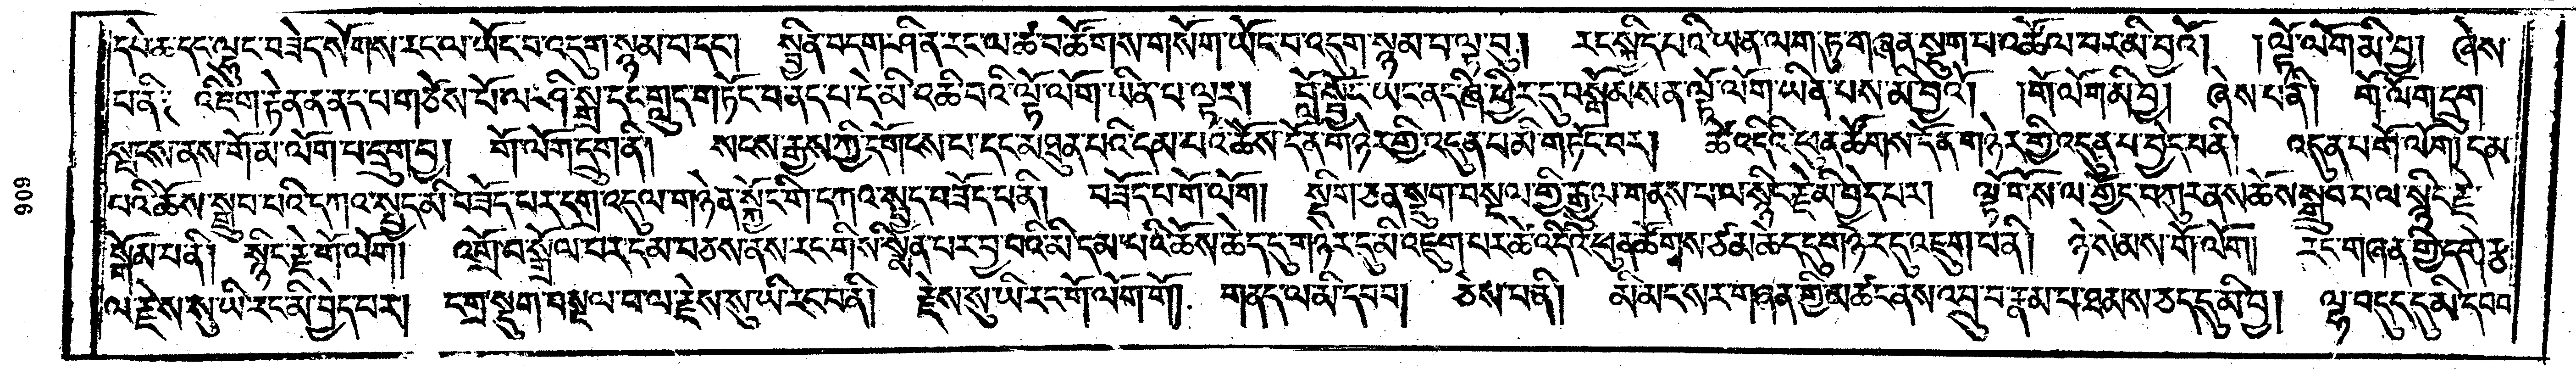དཔེ་ཆ་དང་ལྷུང་བཟེད་སོགས་རང་ལ་ཡོང་བ་འདུག་སྙམ་པ་དང་། སྦྱིན་བདག་ཤི་ན་རང་ལ་ཚ་བ་ཚོགས་གསོག་ཡོང་བ་འདུག་སྙམ་པ་ལྟ་བུ། རང་སྐྱིད་པའི་ཡན་ལག་ཏུ་གཞན་སྡུག་པ་འཚོལ་བར་མི་བྱའོ། །ལྟོ་ལོག་མི་བྱ། ཞེས་
པ་ནི༑ འཇིག་རྟེན་ན་ནད་པ་གཙེས་པོ་ལ་ཤི་སྒྲ་དང་གླུད་གཏོང་བ་ནད་པ་དེ་མི་འཆི་བའི་ལྟོ་ལོག་ཡིན་པ་ལྟར། བློ་སྦྱོང་ཡང་ནད་ཞི་ཕྱིར་དུ་བསྒོམས་ན་ལྟོ་ལོག་ཡིན་པས་མི་བྱའོ། །གོ་ལོག་མི་བྱ། ཞེས་པ་ནི། གོ་ལོག་དྲུག་
སྤངས་ནས་གོ་མ་ལོག་པ་དྲུག་བྱ། གོ་ལོག་དྲུག་ནི། སངས་རྒྱས་ཀྱི་དགོངས་པ་དང་མཐུན་པའི་དམ་པའི་ཆོས་དོན་གཉེར་གྱི་འདུན་པ་མི་གཏོང་བར། ཚེ་འདིའི་ཕུན་ཚོགས་དོན་གཉེར་གྱི་འདུན་པ་བྱེད་པ་ནི། འདུན་པ་གོ་ལོག། དམ་
པའི་ཆོས་སྒྲུབ་པའི་དཀའ་སྤྱད་མི་བཟོད་པར་དགྲ་འདུལ་གཉེན་སྐྱོང་གི་དཀའ་སྤྱད་བཟོད་པ་ནི། བཟོད་པ་གོ་ལོག། སྡིག་ཅན་སྡུག་བསྔལ་གྱི་རྒྱུ་ལ་གནས་པ་ལ་སྙིང་རྗེ་མི་བྱེད་པར། ལྟོ་གོས་ལ་གྱོད་བཀུར་ནས་ཆོས་སྒྲུབ་པ་ལ་སྙིང་རྗེ་
སྒོམ་པ་ནི། སྙིང་རྗེ་གོ་ལོག། འགྲོ་བ་སྒྲོལ་བར་དམ་བཅས་ནས་རང་གིས་སྨིན་པར་བྱ་བའི་མི་དམ་པའི་ཆོས་ཆེད་དུ་གཉེར་དུ་མི་འཇུག་པར་ཚེ་འདིའི་ཕུན་ཚོགས་ཙམ་ཆེད་དུ་གཉེར་དུ་འཇུག་པ་ནི། ཉེ་སེམས་གོ་ལོག། རང་གཞན་གྱི་དགེ་རྩ་
ལ་རྗེས་སུ་ཡི་རང་མི་བྱེད་པར། དགྲ་སྡུག་བསྔལ་བ་ལ་རྗེས་སུ་ཡི་རང་བ་ནི། རྗེས་སུ་ཡི་རང་གོ་ལོག་གོ། གནད་ལ་མི་དབབ། ཅེས་པ་ནི། མི་མང་སར་གཞན་གྱི་མཚང་ནས་འབྲུ་བ་རྣམ་པ་ཐམས་ཅད་དུ་མི་བྱ། ལྷ་བདུད་དུ་མི་དབབ་